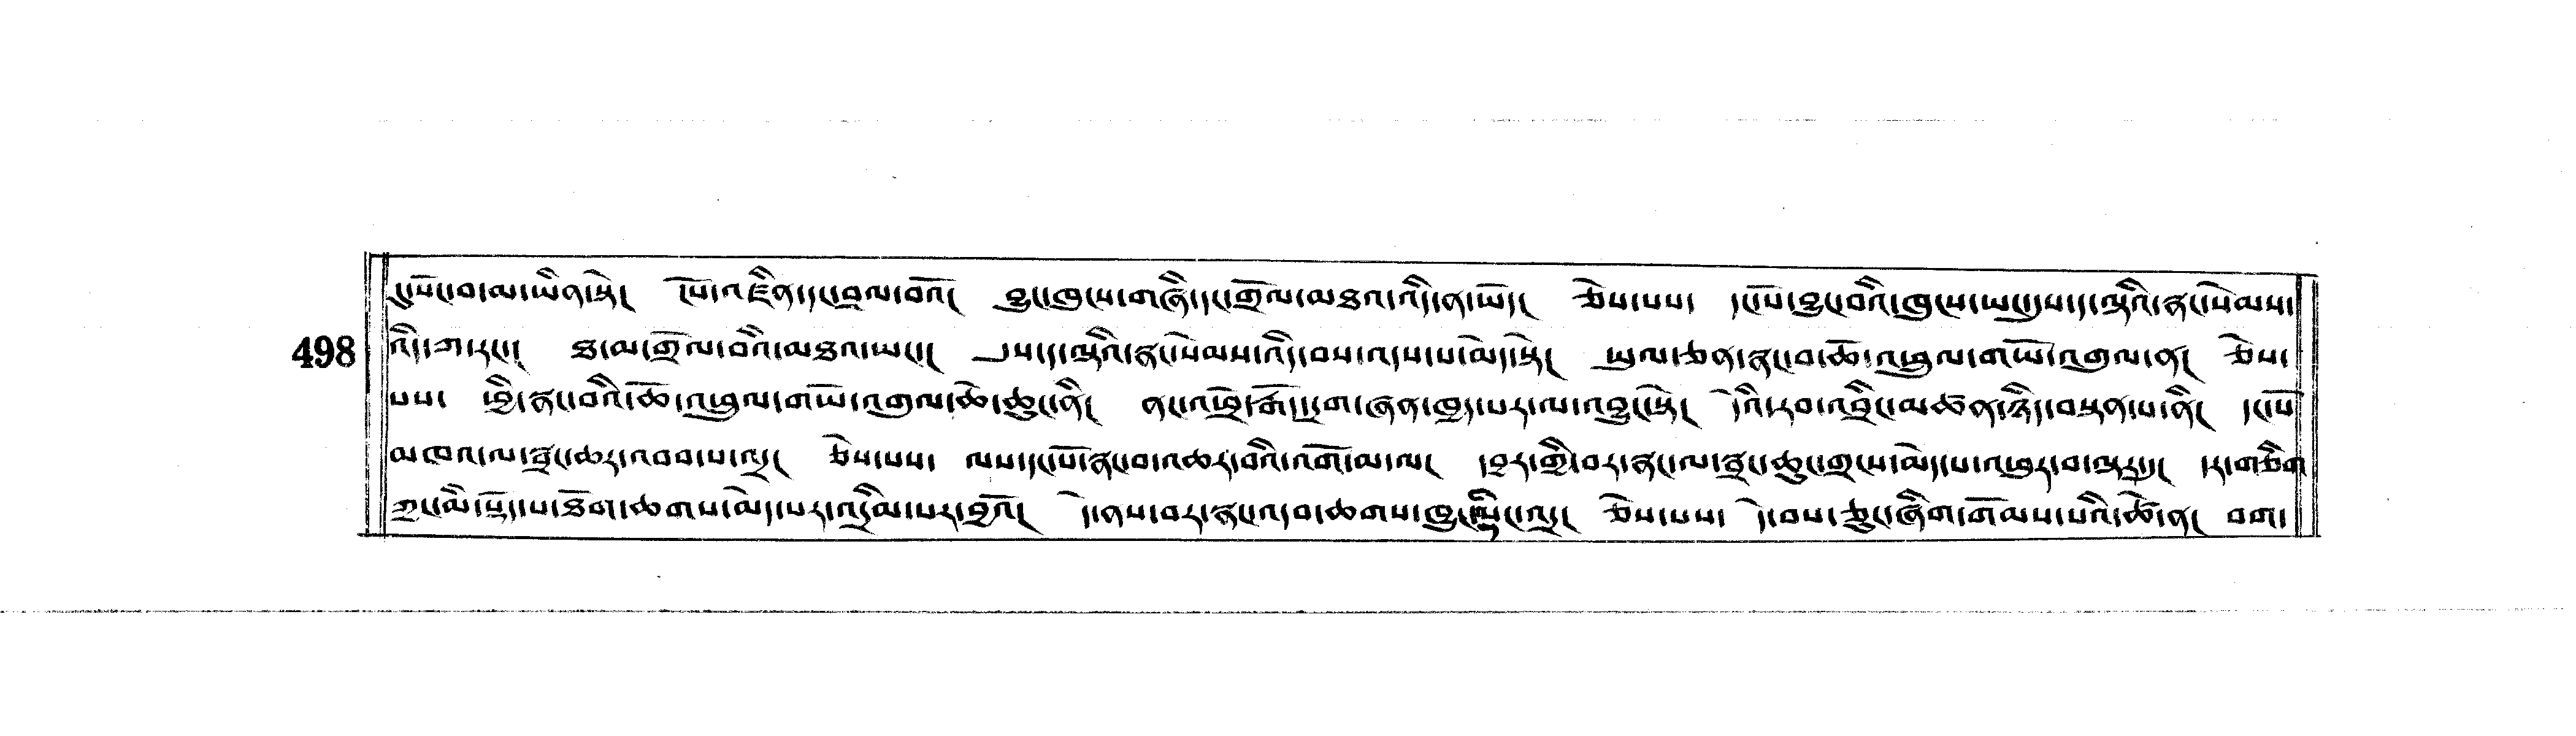དུ་སོང་བ་མ་ཡིན་ཏེ། ངོས་འཛིན་དང་བྲལ་བའོ། བྱུང་ཁུངས་གཞི་དང་གྲོལ་མཐའ་འདི་ན་ཡོད། ཅེས་པས། དང་པོ་བྱུང་བའི་ཁུངས་ཡང་དུས་ད་ལྟའི་སྣང་སེམས་
འདི་ཀ་རང་། ཐ་མ་གྲོལ་བའི་མཐའ་ཡང་། དུས་ད་ལྟའི་སྣང་སེམས་འདི་བས་འདས་པ་མེད་དེ། ཡུལ་ཅན་སྣང་བ་ཆོ་འཕྲུལ་གཡོ་འགུལ་ན། ཅེས་
པས། ཕྱི་སྣང་བའི་ཆོ་འཕྲུལ་གཡོ་འགུལ་ཆེ་ཆུང་ནི། ནང་འཕྲོ་རྒོད་དྲག་ཞན་ཁྱད་པར་ལ་འབྱུང་སྟེ། དེའི་རབ་འབྲིང་མཚན་ཉིད་བསྟན་པ་ནི། དང་པོ་
མཁའ་ལ་སྦྲང་ཆར་འབབ་པ་འདྲ། ཅེས་པས། ལས་དང་པོ་སྣང་བ་འཆར་བའི་འགོ་མ་ལ། དབྱར་གྱི་བར་སྣང་ལ་སྦྲང་ཆུང་གྲངས་མེད་པ་འཕུར་བ་ལྟར་དུ། དར་གཅིག་
ཀྱང་མི་སྡོད་པ་ཐོགས་ཆགས་མེད་པར་འདྲིམ་པར་བྱའོ། དེ་ནས་བར་སྣང་འདབ་ཆགས་ཁྱུང་ལྡིང་འདྲ། ཅེས་པས། དེ་བས་ཅུང་ཞིག་གོམས་པའི་ཚེ་ན། བག་